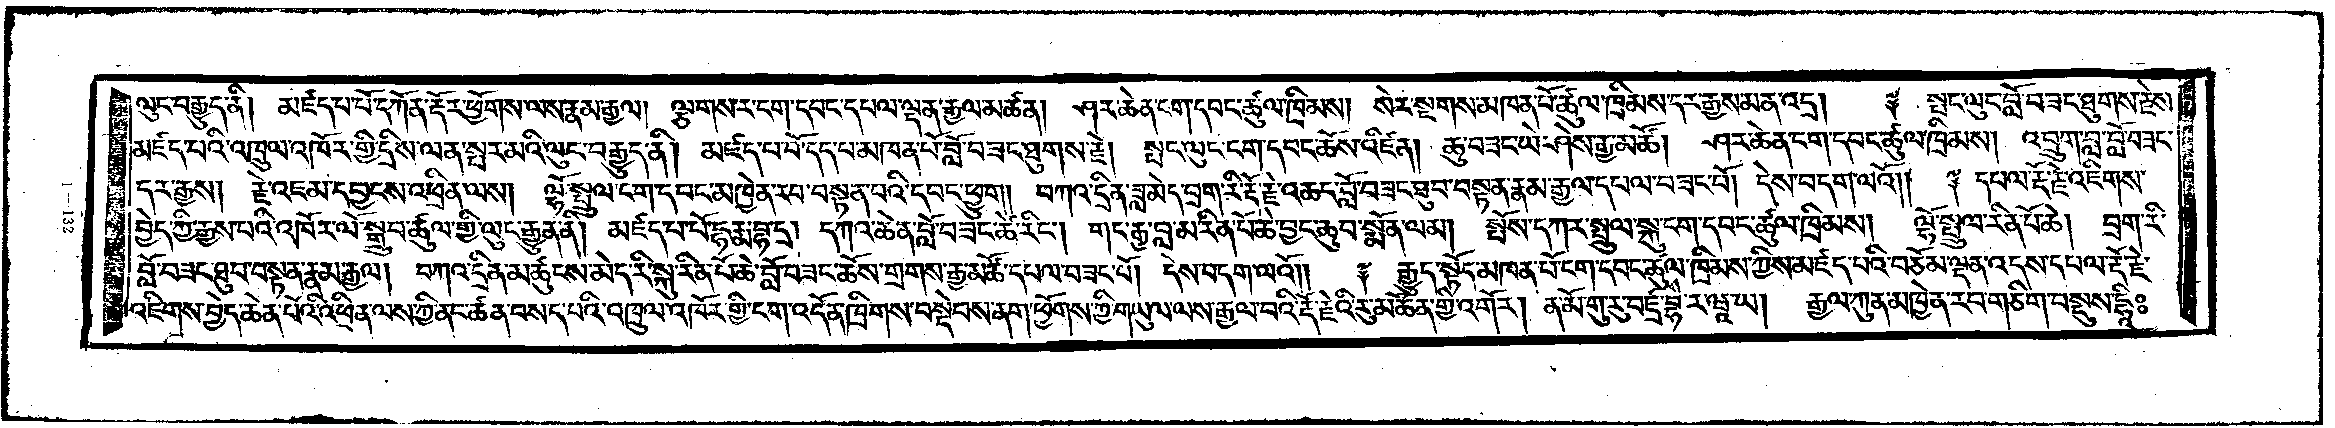ལུང་བརྒྱུད་ནི། མཛད་པ་པོ་དཀོན་རྡོར་ཕྱོགས་ལས་རྣམ་རྒྱལ། ལྕགས་ར་ངག་དབང་དཔལ་ལྡན་རྒྱལ་མཚན། ཤར་ཆེན་ངག་དབང་ཚུལ་ཁྲིམས། སེར་སྔགས་མཁན་པོ་ཚུལ་ཁྲིམས་དར་རྒྱས་མན་འདྲ། ༈ སྤང་ལུང་བློ་བཟང་ཐུགས་རྗེས་
མཛད་པའི་འཁྲུལ་འཁོར་གྱི་དྲིས་ལན་སྤར་མའི་ལུང་བརྒྱུད་ནི། མཛད་པ་པོ་དད་པ་མཁན་པོ་བློ་བཟང་ཐུགས་རྗེ། སྤང་ལུང་ངག་དབང་ཆོས་འཛིན། ཆུ་བཟང་ཡེ་ཤེས་རྒྱ་མཚོ། ཤར་ཆེན་ངག་དབང་ཚུལ་ཁྲིམས། འབྲུག་བླ་བློ་བཟང་
དར་རྒྱས། རྗེ་འཇམ་དབྱངས་འཕྲིན་ལས། ལྷོ་སྤྲུལ་ངག་དབང་མཁྱེན་རབ་བསྟན་པའི་དབང་ཕྱུག །བཀའ་དྲིན་ཟླ་མེད་བྲག་རི་རྡོ་རྗེ་འཆང་བློ་བཟང་ཐུབ་བསྟན་རྣམ་རྒྱལ་དཔལ་བཟང་པོ། དེས་བདག་ལའོ།། ༈ དཔལ་རྡོ་རྗེ་འཇིགས་
བྱེད་ཀྱི་རྒྱས་པའི་འཁོར་ལོ་སྒྲུབ་ཚུལ་གྱི་ལུང་རྒྱུན་ནི། མཛད་པ་པོ་དྷརྨ་བྷ་དྲ། དཀའ་ཆེན་བློ་བཟང་ཚེ་རིང་། གང་རྒྱ་བླ་མ་རིན་པོ་ཆེ་བྱང་ཆུབ་སྨོན་ལམ། སྤོས་དཀར་སྤྲུལ་སྐུ་ངག་དབང་ཚུལ་ཁྲིམས། ལྷོ་སྤྲུལ་རིན་པོ་ཆེ། བྲག་རི་
བློ་བཟང་ཐུབ་བསྟན་རྣམ་རྒྱལ། བཀའ་མཚུངས་མེད་རི་སྐུ་རིན་པོ་ཆེ་བློ་བཟང་ཆོས་གྲགས་རྒྱ་མཚོ་དཔལ་བཟང་པོ། དེས་བདག་ལའོ།། ༈ རྒྱུད་སྟོད་མཁན་པོ་ངག་དབང་ཚུལ་ཁྲིམས་ཀྱིས་མཛད་པའི་བཅོམ་ལྡན་འདས་དཔལ་རྡོ་རྗེ་
འཇིགས་བྱེད་ཆེན་པོའི་འཕྲིན་ལས་ཀྱི་ནང་ཚན་བསད་པའི་འཁྲུལ་འཁོར་གྱི་ངག་འདོན་ཁྲིགས་བསྡེབས་ནག་ཕྱོགས་ཀྱི་གཡུལ་ལས་རྒྱལ་བའི་རྡོ་རྗེའི་རུ་མཚོན་གྱི་འགོར། ན་མོ་གུ་རུ་བཛྲ་བྷཻ་ར་ཝཱ་ཡ། རྒྱལ་ཀུན་མཁྱེན་རབ་གཅིག་བསྡུས་དྷཱིཿ